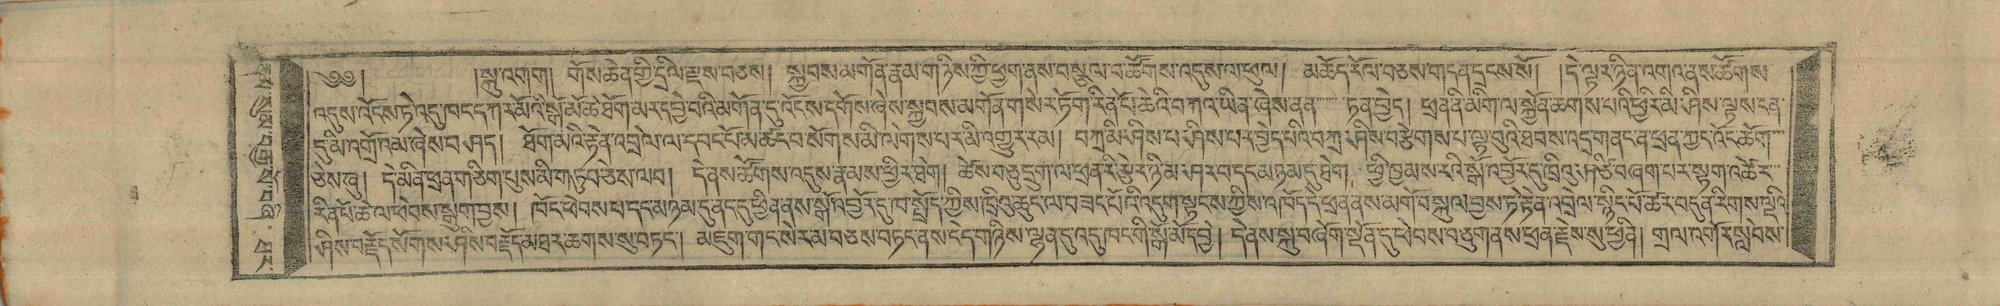༄༅། །སྐུ་འགག །གོས་ཆེན་གྱི་དྲིལ་རྫས་བཅས། སྐྱབས་མགོན་རྣམ་གཉིས་ཀྱི་ཕྱག་ནས་བསྩལ་བ་ཚོགས་འདུས་ལ་ཕུལ། མཆོད་རོལ་བཅས་གདན་དྲངས་སོ། །དེ་ལྟར་ཉིན་འགའ་ནས་ཚོགས་
འདུས་འོངས་ཏེ་འདུ་ཁང་དཀར་མོའི་སྒོ་མོ་ཆེ་ཐོག་མར་དབྱེ་བའི་མགོན་དུ་འོངས་དགོས་ཞེས་སྐྱབས་མགོན་གསེར་ཏོག་རིན་པོ་ཆེའི་བཀའ་ཡིན་ཞེས་ནན་ཏན་བྱེད། ཕྲན་ནི་མིག་ལ་སྐྱོན་ཆགས་པའི་ཕྱིར་མི་ཤིས་ལྟས་ངན་
དུ་མི་འགྲོ་འམ་ཞེས་བཤད། ཐོག་མའི་རྟེན་འབྲེལ་ལ་དབང་པོ་མ་ཚང་བ་སོགས་མི་ལེགས་པར་མི་འགྱུར་རམ། བཀྲ་མི་ཤིས་པ་ཤིས་པར་བྱེད་པའི་བཀྲ་ཤིས་བརྩེགས་པ་ལྟ་བུའི་ཐབས་འདྲ་གནང་ན་ཕྲན་ཀྱང་འོང་ཆོག་
ཅེས་ཞུ། དེ་མིན་ཕྲན་གཅིག་པུས་མི་གཏུབ་ཅེས་ལབ། དེ་ནས་ཚོགས་འདུས་རྣམས་ཕྱིར་ཐེག །ཚེས་བཅུ་དྲུག་ལ་ཕྲན་རི་རྩེར་ཉི་མ་ཤར་བ་དང་མཉམ་དུ་ཐེག །ཕྱི་ཁྱམས་རའི་སྒོ་འབྱོར་དུ་ཁྲིའུ་ཤ་ཙི་བཞག་པར་སྟག་འཚེར་
རིན་པོ་ཆེ་ལ་ཕེབས་སྒུག་བྱས། ཁོང་ཕེབས་པ་དང་མཉམ་དུ་ནང་དུ་ཕྱིན་ནས་སྒོ་འབྱོར་དུ་ཁ་སྤྲོད་ཀྱིས་ཁྲིའུ་ཆུང་ལ་བཟང་པོའི་འདུག་སྟངས་ཀྱིས་འཁོད་དེ་ཕྲན་ནས་མགོ་བསྐུལ་བྱས་ཏེ་རྟེན་འབྲེལ་སྙིང་པོ་ཚར་བདུན་རིགས་ལྔའི་
ཤིས་བརྗོད་སོགས་ཤིས་བརྗོད་མཐར་ཆགས་སུ་བཏང་། མཇུག་གང་སེར་མ་བཅས་བཏང་ནས་ངེད་གཉིས་ལྷན་དུ་འདུ་ཁང་གི་སྒོ་མོ་དབྱེ། དེ་ནས་སྐུ་བཞོག་སྔོན་དུ་ཕེབས་བཅུག་ནས་ཕྲན་རྗེས་སུ་ཕྱིན། གྲལ་འགོར་སླེབས་